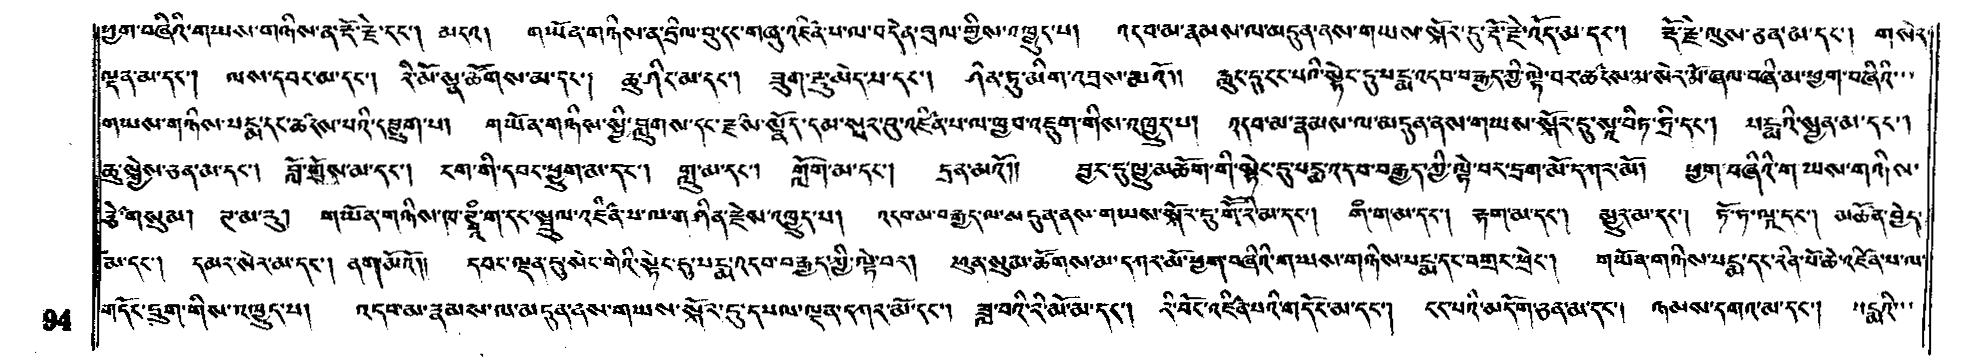ཕྱག་བཞིའི་གཡས་གཉིས་ན་རྡོ་རྗེ་དང་། མདའ། གཡོན་གཉིས་ན་དྲིལ་བུ་དང་གཞུ་འཛིན་པ་ལ་བདེན་བྲལ་གྱིས་འཁྱུད་པ། འདབ་མ་རྣམས་ལ་མདུན་ནས་གཡས་སྐོར་དུ་རྡོ་རྗེ་འོད་མ་དང་། རྡོ་རྗེ་ལུས་ཅན་མ་དང་། གསེར་
ལྡན་མ་དང་། ལས་དབང་མ་དང་། རི་མོ་སྣ་ཚོགས་མ་དང་། ཆུ་ཤིང་མ་དང་། ཟུག་རྔུ་མེད་པ་དང་། ཤིན་ཏུ་མིག་འབྲས་མའོ།། རླུང་དུ་དང་པའི་སྟེང་དུ་པདམ་འདབ་བརྒྱད་ཀྱི་ལྟེ་བར་ཚངས་མ་སེར་མོ་ཞལ་བཞི་མ་ཕྱག་བཞིའི་
གཡས་གཉིས་པདམ་དང་ཚངས་པའི་དབྱུག་པ། གཡོན་གཉིས་སྤྱི་བླུགས་དང་རྫས་སྣོད་དམ་སྤར་བུ་འཛིན་པ་ལ་ཁྱབ་འཇུག་གིས་འཁྱུད་པ། འདབ་མ་རྣམས་ལ་མདུན་ནས་གཡས་སྐོར་དུ་ས་བ་ཏི་ཏྲི་དང་། པདམའི་སྤྱན་མ་དང་།
ཆུ་སྐྱེས་ཅན་མ་དང་། བློ་གྲོས་མ་དང་། ངག་གི་དབང་ཕྱུག་མ་དང་། གླུ་མ་དང་། གློག་མ་དང་། དྲན་མའོ།། བྱང་དུ་ཁྱུ་མཆོག་གི་སྟེང་དུ་པདམ་འདབ་བརྒྱད་ཀྱི་ལྟེ་བར་དྲག་མོ་དཀར་མོ། ཕྱག་བཞིའི་གཡས་གཉིས་
རྩེ་གསུམ། ཊ་མ་རུ། གཡོན་གཉིས་ཁ་ཊྭཱཾ་ག་དང་སྤྲུལ་འཛིན་པ་ལ་གཤིན་རྗེས་འཁྱུད་པ། འདབ་མ་བརྒྱད་ལ་མདུན་ནས་གཡས་སྐོར་དུ་གཽ་རི་མ་དང་། གཾ་ག་མ་དང་། རྟག་མ་དང་། མྱུར་མ་དང་། ཏོ་ཏ་ལཱ་དང་། མཚོན་བྱེད་
མ་དང་། དམར་སེར་མ་དང་། ནག་མོའོ།། དབང་ལྡན་དུ་སེང་གེའི་སྟེང་དུ་པདམ་འདབ་བརྒྱད་ཀྱི་ལྟེ་བར། ཕུན་སུམ་ཚོགས་མ་དཀར་མོ་ཕྱག་བཞིའི་གཡས་གཉིས་པདམ་དང་བགྲང་ཕྲེང་། གཡོན་གཉིས་པདམ་དང་རིན་པོ་ཆེ་འཛིན་པ་ལ་
གདོང་དྲུག་གིས་འཁྱུད་པ། འདབ་མ་རྣམས་ལ་མདུན་ནས་གཡས་སྐོར་དུ་དཔལ་ལྡན་དཀར་མོ་དང་། ཟླ་བའི་རི་མོ་མ་དང་། རི་བོང་འཛིན་པའི་གདོང་མ་དང་། ངང་པའི་མདོག་ཅན་མ་དང་། ཉམས་དགའ་མ་དང་། པདམའི་